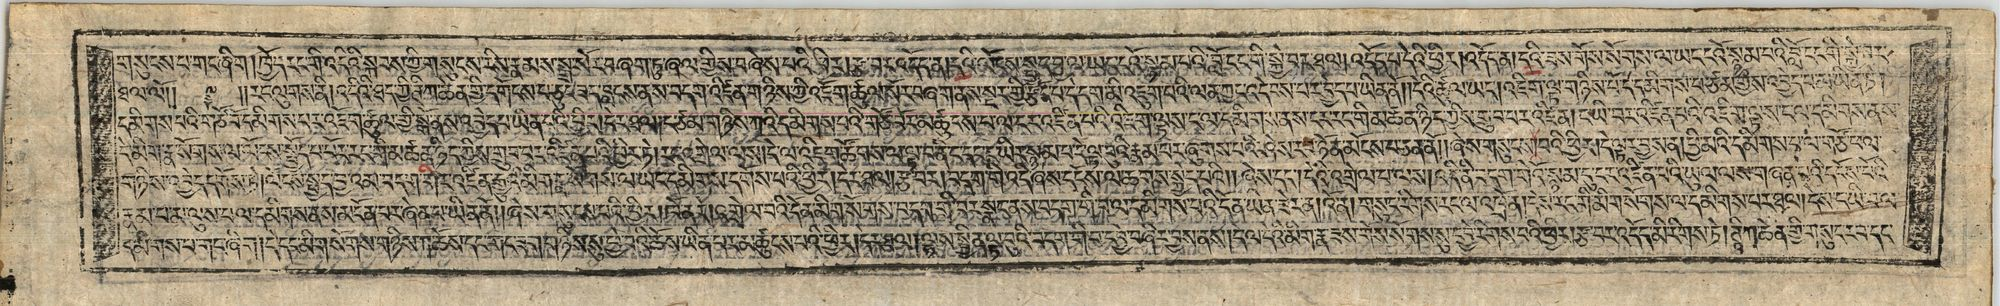གསུངས་པ་གང་ཞིག །ཁྱོད་རང་གི་འདིའི་སྐབས་ཀྱི་གསུངས་རིས་རྣམས་སྒྲ་སོར་བཞག་ཏུ་ཞལ་གྱིས་བཞེས་པའི་ཕྱིར། རྩ་བར་འདོད་ན། ངའི་ལོངས་སྤྱད་བྱ་ལ་ཡང་ངའོ་སྙམ་པའི་བློ་ངང་གི་སྐྱེ་བར་ཐལ། འདོད་པ་དེའི་ཕྱིར། འདོད་ན། ངའི་ཟས་གོས་སོགས་ལ་ཡང་ངའོ་སྙམ་པའི་བློ་ངང་གི་སྐྱེ་བར་
ཐལ་ལོ།། ༈ །།རང་ལུགས་ནི། འདིའི་ཐད་ཀྱི་ཊིཀ་ཆེན་གྱི་དགོངས་པ་ཅུང་ཟད་བླངས་ནས་བདག་འཛིན་གཉིས་ཀྱི་འཇོག་ཚུལ་སོར་བཞག་ནས་སྔར་གྱི་རྩོད་པ་དེ་དག་མི་འཇུག་པའི་ལན་ཀྱང་འདེབས་པར་བྱེད་པ་ཡིན་ནོ། །དེའི་ཚུལ་ཡང་། འཇིག་ལྟ་གཉིས་པོ་དེ་དམིགས་པ་ཙམ་གྱིས་འབྱེད་པ་མ་ཡིན་ཏེ།
དམིགས་པའི་གཙོ་བོ་དམིགས་པར་འཇོག་ཚུལ་གྱི་སྒོ་ནས་འབྱེད་པ་ཡིན་པའི་ཕྱིར། དེར་ཐལ། ང་ཙམ་གཉིས་ཀའི་དམིགས་པའི་གཙོ་བོར་མཚུངས་པ་ལ་ངར་འཛིན་པའི་འཇིག་ལྟས་ང་ལ་དམིགས་ནས་ངར་རང་གི་མཚན་ཉིད་ཀྱིས་གྲུབ་པར་འཛིན། ང་ཡི་བར་འཛིན་པའི་འཇིག་ལྟས་ང་ལ་དམིགས་ནས་
དེ་མིག་རྣ་སོགས་ལ་ལོངས་སྤྱོད་པ་པོར་རང་གི་མཚན་ཉིད་ཀྱིས་གྲུབ་པར་འཛིན་པའི་ཕྱིར་ཏེ། རང་འགྲེལ་ལས། དེ་ལ་འཇིག་ཚོགས་ལ་ལྟ་བ་ནི་ང་དང་ང་ཡིར་སྙམ་བ་དེ་ལྟ་བུའི་རྣམ་པར་ཞུགས་པའི་ཤེས་རབ་ཉོན་མོངས་པ་ཅན་ནོ། །ཞེས་གསུངས་པའི་ཕྱིར། དེར་ལྟར་བྱས་ན། ཕྱི་མའི་དམིགས་པ་ལ་གཙོ་ཕལ་
གཉིས་འབྱེད་དགོས་ཏེ། ལོངས་སྤྱད་བྱ་འམ་བདག་གིར་འཛིན་རྒྱུའི་མིག་རྣ་སོགས་ལ་ཡང་དམིགས་དགོས་པའི་ཕྱིར། །དེ་ཐལ། རྩ་བར། བདག་གི་འདི་ཞེས་དངོས་ལ་ཆགས་སྐྱེད་པའི། །ཞེས་དང་། དེའི་འགྲེལ་པ་ལས། འདི་ནི་བདག་གིའོ་སྙམ་དུ་ངར་འཛིན་པའི་ཡུལ་ལས་གཞན་པའི་དངོས་པོའི་
རྣམ་པར་ལུས་པ་ལ་དམིགས་ནས་མངོན་པར་ཞེན་པ་ཡིན་ནོ། །ཞེས་གསུངས་པའི་ཕྱིར། ཁོ་ན་རེ། འགྲེལ་བའི་དོན་མིག་སོགས་བདག་གི་བར་སྣང་ནས་བདག་གི་བ་ལ་དམིགས་པའི་དོན་ཡིན་ཟེར་ན། འོ་ན། གསུང་རིགས་རང་ལ་འཕྲོན།དེས་རང་གི་མིག་སོགས་ལ་དམིགས་པར་ཐལ། དེས་ང་ཡི་བ་ལ་
དམིགས་པ་གང་ཞིག །དེ་དང་མིག་སོགས་གཉིས་ཀ་ཆོས་དང་གང་ཟག་གཉིས་སུ་ཕྱེ་བའི་ཆོས་ཡིན་པར་མཚུངས་པའི་ཕྱིར། དེར་ཐལ། ལྷས་སྦྱིན་ལྟ་བུའི་བདག་གི་བ་དབྱེ་བཞིར་བྱས་ནས། དེ་ལ་དེའི་མིག་རྣ་ཟས་གོས་སོགས་སུ་དབྱེ་རིགས་པའི་ཕྱིར། རྩ་བར་འདོད་མི་རིགས་ཏེ། ཊཱིཀ་ཆེན་གྱི་གསུངས་རབ་དང་